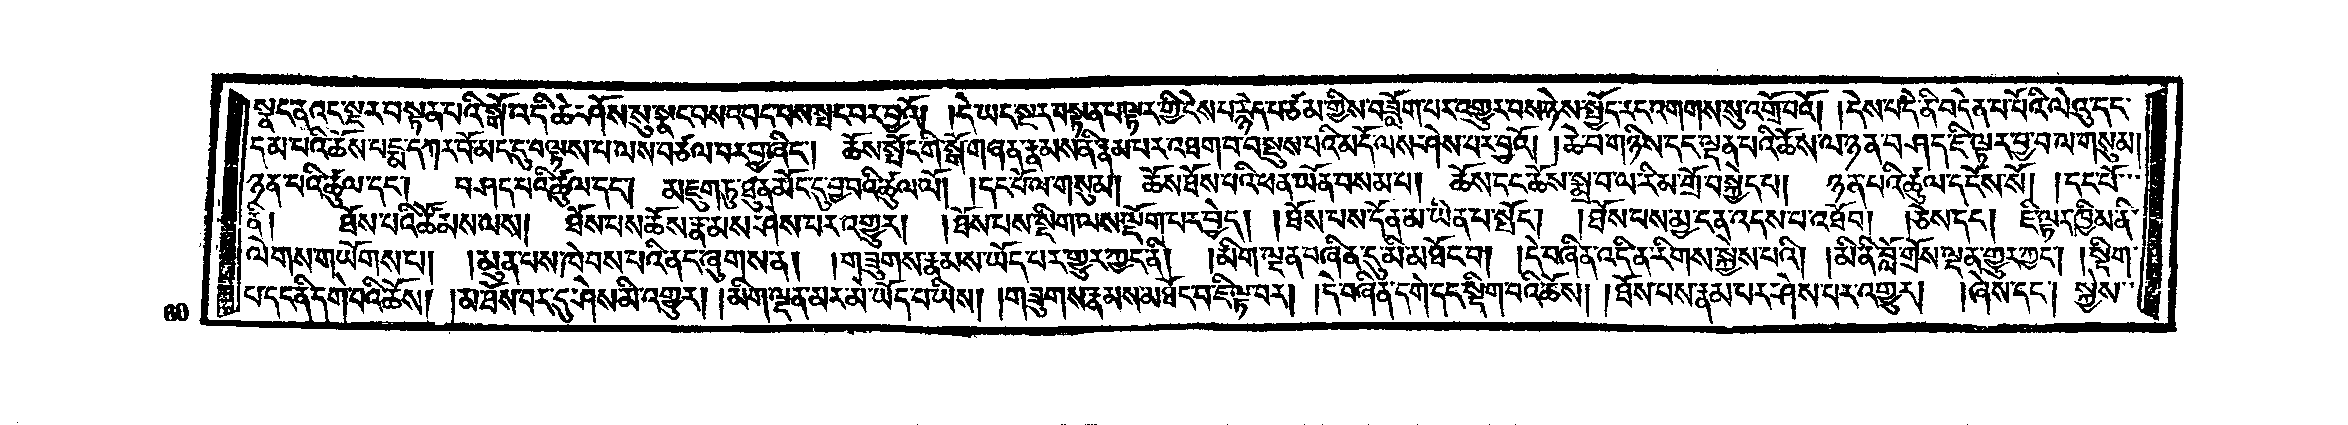སྣང་ནའང་སྔར་བསྟན་པའི་སྒོ་འདི་ཆེ་ཤོས་སུ་སྣང་བས་འབད་པས་སྤང་བར་བྱའོ། །དེ་ཡང་སྔར་བསྟན་པ་ལྟར་གྱི་ངེས་པ་རྙེད་པ་ཙམ་གྱིས་བཟློག་པར་འགྱུར་བས་ཉེས་སྤྱོད་རང་འགགས་སུ་འགྲོ་བའོ། །ངེས་པ་དེ་ནི་བདེན་པ་པོའི་ལེའུ་དང་
དམ་པའི་ཆོས་པདམ་དཀར་པོ་མང་དུ་བལྟས་པ་ལས་བཙལ་བར་བྱ་ཞིང་། ཆོས་སྤོང་གི་སྒོ་གཞན་རྣམས་ནི་རྣམ་པར་འཐག་པ་བསྡུས་པའི་མདོ་ལས་ཤེས་པར་བྱའོ། །ཆེ་བ་གཉིས་དང་ལྡན་པའི་ཆོས་ལ་ཉན་བཤད་ཇི་ལྟར་བྱ་བ་ལ་གསུམ།
ཉན་པའི་ཚུལ་དང་། བཤད་པའི་ཚུལ་དང་། མཇུག་ཏུ་ཐུན་མོང་དུ་བྱ་བའི་ཚུལ་ལོ། །དང་པོ་ལ་གསུམ། ཆོས་ཐོས་པའི་ཕན་ཡོན་བསམ་པ། ཆོས་དང་ཆོས་སྨྲ་བ་ལ་རིམ་གྲོ་བསྐྱེད་པ། ཉན་པའི་ཚུལ་དངོས་སོ། །དང་པོ་
ནི༑ ཐོས་པའི་ཚོམས་ལས། ཐོས་པས་ཆོས་རྣམས་ཤེས་པར་འགྱུར། །ཐོས་པས་སྡིག་ལས་ལྡོག་པར་བྱེད། །ཐོས་པས་དོན་མ་ཡིན་པ་སྤོང་། །ཐོས་པས་མྱ་ངན་འདས་པ་འཐོབ། །ཅེས་དང་། ཇི་ལྟར་ཁྱིམ་ནི་
ལེགས་གཡོགས་པ། །མུན་པས་ཁེབས་པའི་ནང་ཞུགས་ན། །གཟུགས་རྣམས་ཡོད་པར་གྱུར་ཀྱང་ནི། །མིག་ལྡན་བཞིན་དུ་མི་མཐོང་བ། །དེ་བཞིན་འདི་ན་རིགས་སྐྱེས་པའི། །མི་ནི་བློ་གྲོས་ལྡན་གྱུར་ཀྱང་། །སྡིག་
པ་དང་ནི་དགེ་བའི་ཆོས། །མ་ཐོས་བར་དུ་ཤེས་མི་འགྱུར། །མིག་ལྡན་མར་མེ་ཡོད་པ་ཡིས། །གཟུགས་རྣམས་མཐོང་བ་ཇི་ལྟ་བར། །དེ་བཞིན་དགེ་དང་སྡིག་པའི་ཆོས། །ཐོས་པས་རྣམ་པར་ཤེས་པར་འགྱུར། །ཞེས་དང་། སྐྱེས་